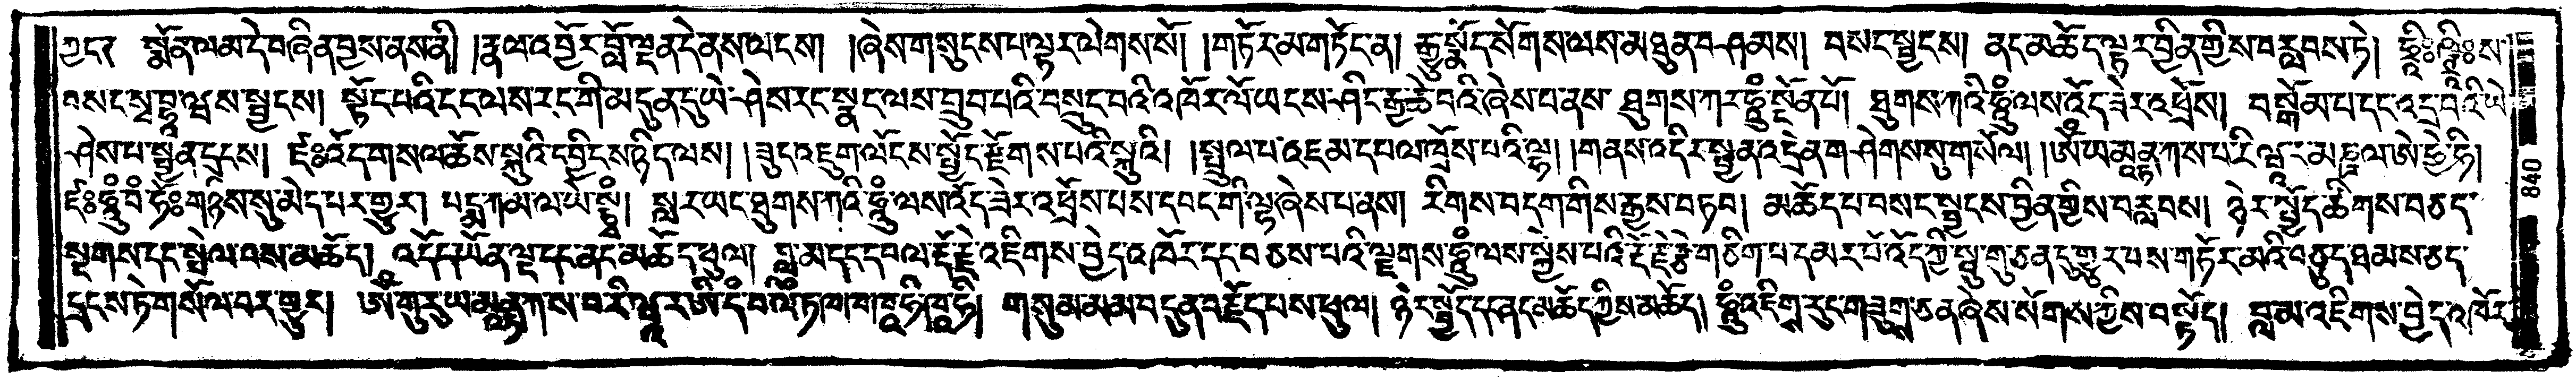ཀྱང༑ སྨོན་ལམ་དེ་བཞིན་བྱས་ནས་ནི། །རྣལ་འབྱོར་བློ་ལྡན་དེ་ནས་ལངས། །ཞེས་གསུངས་པ་ལྟར་ལེགས་སོ། །གཏོར་མ་གཏོང་ན། རྒྱུད་སྣོད་སོགས་ལས་མཐུན་བཤམས། བསང་སྦྱངས། ནང་མཆོད་ལྟར་བྱིན་གྱིས་བརླབས་ཏེ། ཧྲཱིཿ ཥྚྲཱིཿ ས་
བསང་སྭ་བྷཱ་ཝས་སྦྱངས། སྟོང་པའི་ངང་ལས་རང་གི་མདུན་དུ་ཡེ་ཤེས་རང་སྣང་ལས་བྲུབ་པའི་བསྲུང་བའི་འཁོར་ལོ་ཡངས་ཤིང་རྒྱ་ཆེ་བའི་ཞེས་པ་ནས་ཐུགས་ཀར་ཧཱུཾ་སྔོན་པོ། ཐུགས་ཀའི་ཧཱུཾ་ལས་འོད་ཟེར་འཕྲོས། བསྒོམ་པ་དང་འདྲ་བའི་ཡེ་
ཤེས་པ་སྤྱན་དྲངས། ཛཿ འོད་གསལ་ཆོས་སྐུའི་དབྱིངས་ཉིད་ལས། །ཟུང་འཇུག་ལོངས་སྤྱོད་རྫོགས་པའི་སྐུའི། །སྤྲུལ་བ་འཇམ་དཔལ་ཁྲོས་པའི་ལྷ། །གནས་འདིར་སྦྱན་འདྲེན་གཤེགས་སུ་གསོལ། ། ཨོཾ་ཡ་མཱནྟ་ཀ་ས་པ་རི་ཝཱ་ར་མཎྜལ་ཨེ་ཧྱེ་ཧི།
ཛཿ ཧཱུཾ་བཾ་ཧོཿ གཉིས་སུ་མེད་པར་གྱུར། པདམ་ཀ་མ་ལ་ཡེ་སྟྭཾ། སླར་ཡང་ཐུགས་ཀའི་ཧཱུཾ་ལས་འོད་ཟེར་འཕྲོས་པས་དབང་གི་ལྷ་ཞེས་པ་ནས། རིགས་བདག་གིས་རྒྱས་བཏབ། མཆོད་པ་བསང་སྦྱངས་བྱིན་གྱིས་བརླབས། ཉེར་སྤྱོད་ཚིགས་བཅད་
སྔགས་དང་སྤེལ་བས་མཆོད། འདོད་ཡོན་ལྔ་དང་ནང་མཆོད་ཕུལ། བླ་མ་དང་དཔལ་རྡོ་རྗེ་འཇིགས་བྱེད་འཁོར་དང་བཅས་པའི་ལྗགས་ཧཱུཾ་ལས་སྐྱེས་པའི་རྡོ་རྗེ་རྩེ་གཅིག་པ་དམར་པོ་འོད་ཀྱི་སྦུ་གུ་ཅན་དུ་གྱུར་པས་གཏོར་མའི་བཅུད་ཐམས་ཅད་
དྲངས་ཏེ་གསོལ་བར་གྱུར། ཨོཾ་གུ་རུ་ཡ་མཱནྟ་ཀ་ས་པ་རི་ཝཱ་ར་ཨི་དཾ་བ་ལིཾ་ཏ་ཁ་ཁ་ཁཱ་ཧི་ཁཱ་ཧི། གསུམ་མམ་བདུན་བརྗོད་པས་ཕུལ། ཉེར་སྦྱོད་དང་ནང་མཆོད་ཀྱིས་མཆོད། ཧཱུཾ་འཇིགས་རུང་གཟུགས་ཅན་ཞེས་སོགས་ཀྱིས་བསྟོད། བླ་མ་འཇིགས་བྱེད་འཁོར་